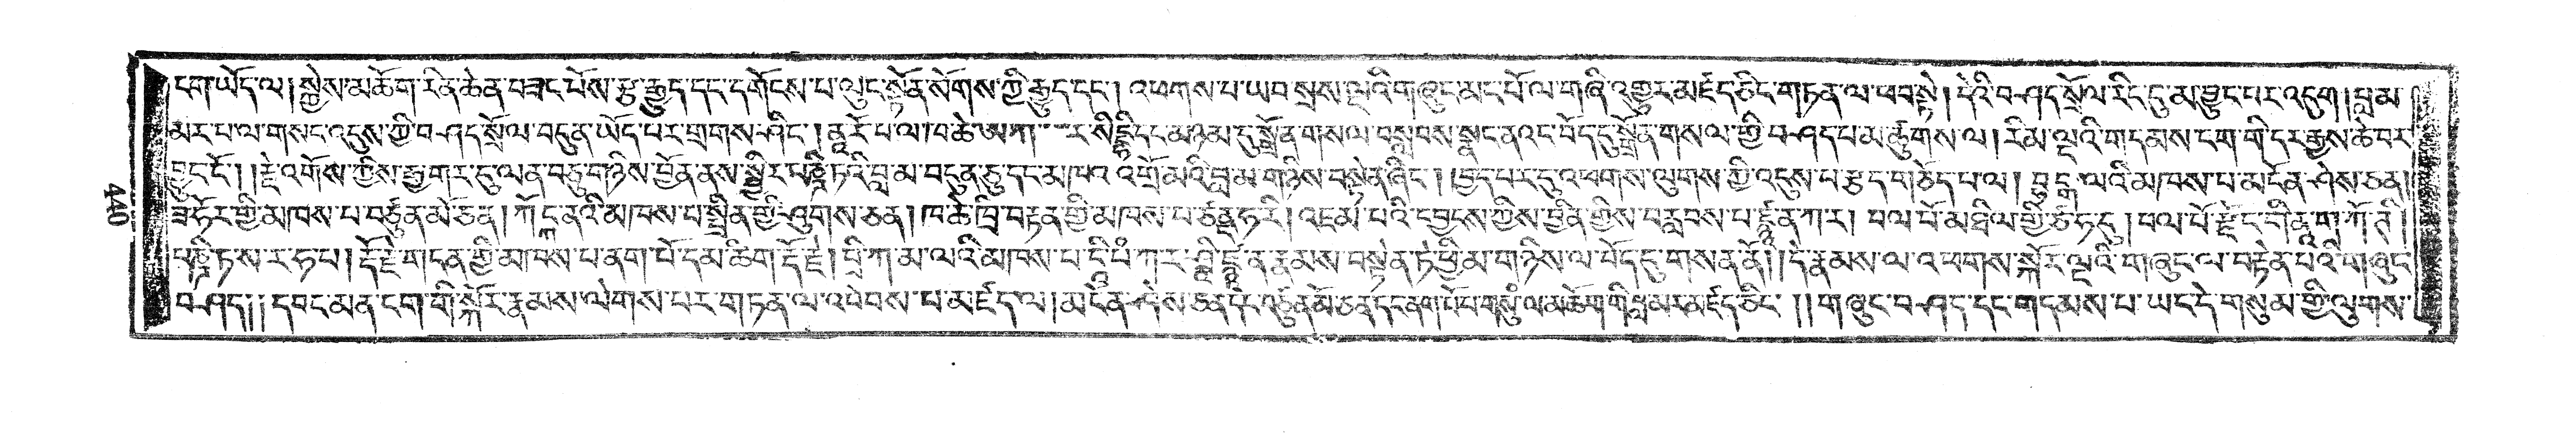ངག་ཡོད་ལ། སྐྱེས་མཆོག་རིན་ཆེན་བཟང་པོས་རྩ་རྒྱུད་དང་དགོངས་པ་ལུང་སྟོན་སོགས་ཀྱི་རྒྱུད་དང་། འཕགས་པ་ཡབ་སྲས་ལྔའི་གཞུང་མང་པོ་ལ་གཞི་འགྱུར་མཛད་ཅིང་གཏན་ལ་ཕབ་སྟེ། དེའི་བཤད་སྲོལ་རིང་དུ་མ་བྱུང་བར་འདུག །བླ་མ་
མར་པ་ལ་གསང་འདུས་ཀྱི་བཤད་སྲོལ་བདུན་ཡོད་པར་གྲགས་ཤིང་། ནཱ་རོ་པ་ལ་ཁ་ཆེ་ཨ་ཀ་ར་སིདྡྷི་དང་མཉམ་དུ་སྒྲོན་གསལ་བསླབས་སྣང་ནའང་བོད་དུ་སྒྲོན་གསལ་གྱི་བཤད་པ་མ་ཚུགས་ལ། རིམ་ལྔའི་གདམས་ངག་གི་དར་རྒྱས་ཆེ་བར་
བྱུང་ངོ། །རྗེ་འགོས་ཀྱིས་རྒྱ་གར་དུ་ལན་བཅུ་གཉིས་བྱོན་ནས་སྤྱིར་པཎྜི་ཏའི་བླ་མ་བདུན་ཅུ་དང་མཁའ་འགྲོ་མའི་བླ་མ་གཉིས་བསྟེན་ཞིང་། ཁྱད་པར་དུ་འཕགས་ལུགས་ཀྱི་འདུས་པ་རྩད་གཅོད་པ་ལ། བྷངྒ་ལའི་མཁས་པ་མངོན་ཤེས་ཅན།
ཟ་ཧོར་གྱི་མཁས་པ་བཙུན་མོ་ཅན། ཀོངྐ་ནའི་མཁས་པ་སྤྲིན་གྱི་ཤུགས་ཅན། ཁ་ཆེ་ཁྲི་བརྟན་གྱི་མཁས་པ་ཙནྡ་ཧ་རི། འཇམ་པའི་དབྱངས་ཀྱིས་བྱིན་གྱིས་བརླབས་པ་ཛྙཱ་ན་ཀ་ར། བལ་པོ་མཐིལ་གྱི་ཙ་ཧ་དུ། བལ་པོ་རྫོང་གི་ནཱ་ག་ཀོ་ཊི།
པཎྜི་ཏ་ས་ར་ཧ་པ། རྡོ་རྗེ་གདན་གྱི་མཁས་པ་ནག་པོ་དམ་ཚིག་རྡོ་རྗེ། བྲི་ཀ་མ་ལའི་མཁས་པ་དཱི་པཾ་ཀ་ར་ཤྲཱི་ཛྙཱ་ན་རྣམས་བསྟེན་ཏེ་ཕྱི་མ་གཉིས་ལ་བོད་དུ་གསན་ནོ། །དེ་རྣམས་ལ་འཕགས་སྐོར་ལྔའི་གཞུང་ལ་བརྟེན་པའི་གཞུང་
བཤད༑ ༑དབང་མན་ངག་གི་སྐོར་རྣམས་ལེགས་པར་གཏན་ལ་འབེབས་པ་མཛད་ལ། མངོན་ཤེས་ཅན་དང་བཙུན་མོ་ཅན་དང་ནག་པོ་པ་གསུམ་ལ་མཆོག་གི་བླ་མར་མཛད་ཅིང་། །གཞུང་བཤད་དང་གདམས་པ་ཡང་དེ་གསུམ་གྱི་ལུགས་